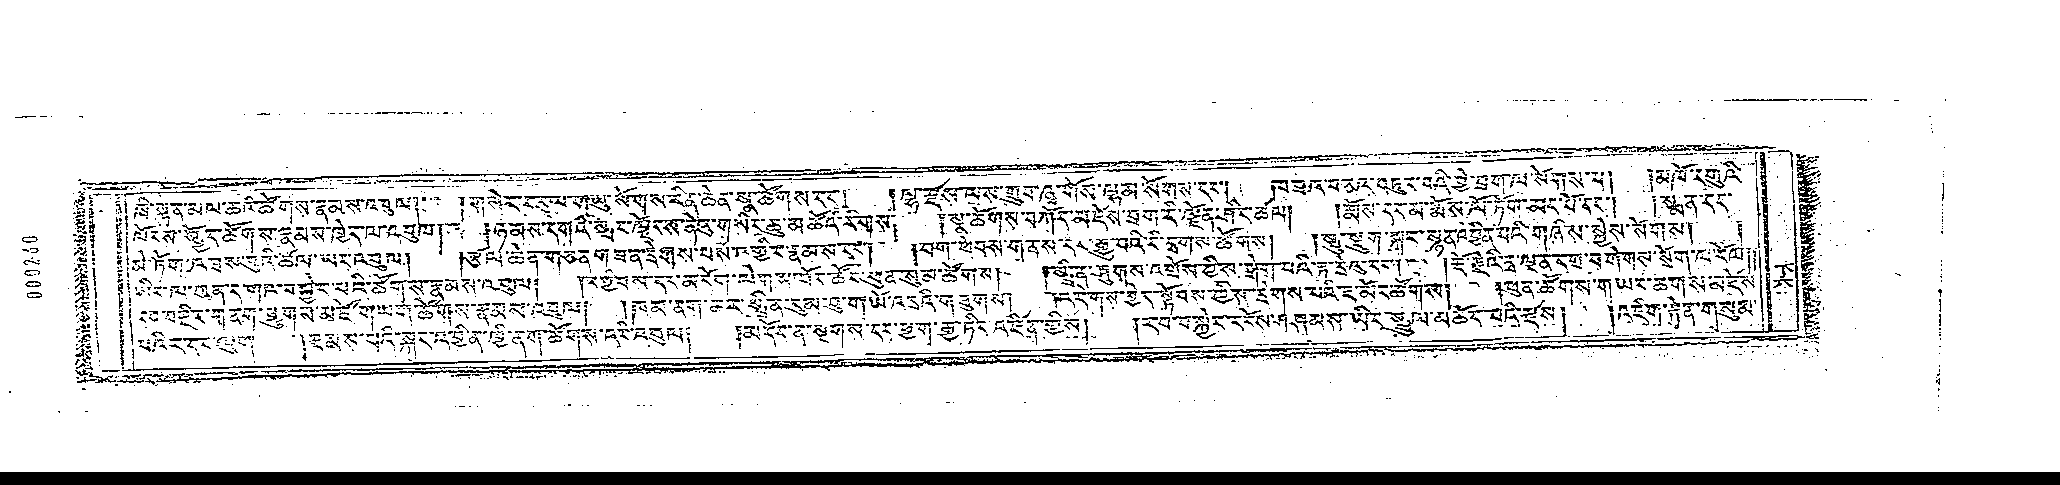ཁྲི་སྟན་མ་ལ་ཆའི་ཚོགས་རྣམས་འབུལ། །གསེར་དངུལ་གཡུ་གསོགས་རིན་ཆེན་སྣ་ཚོགས་དང་། །ལྷ་རྫས་ལས་གྲུབ་ཞྭ་གོས་ལྷམ་སོགས་དང་། །བཟའ་བཅའ་བཏུད་བའི་བྱེ་བྲག་ལ་སོགས་བ། །མཁོ་དགུའི་
ལོངས་སྤྱོད་ཚོགས་རྣམས་ཁྱེད་ལ་འབུལ། །ཉམས་དགའི་སྤང་ལྗོངས་ནེའུ་གསིང་ཆུ་མཚོའི་རིགས། །སྣ་ཚོགས་བཀོད་མཛེས་བྲག་རི་ལྗོན་ཤིང་ཚལ། །རྨོས་དང་མ་རྨོས་ལོ་ཏོག་མང་པོ་དང་། །སྨན་དང་
མེ་ཏོག་འྯས་བུའི་ཚལ་ཡང་འབུལ། །རྩལ་ཆེན་གཅན་གཟན་དྲེགས་པས་འགྱིད་རྣམས་དང་། །བག་ཕེབས་གནས་དང་རྒྱུ་བའི་རི་དྭགས་ཚོགས། །སྤུ་སྡུག་སྐད་སྙན་འབྱིན་བའི་གཉིས་སྐྱེས་སོགས། །
ཡིད་ལ་ཀུན་དགའ་བསྐྱེད་པའི་ཚོགས་རྣམས་འབུལ། །དབྱིབས་དང་མདོག་ལེགས་བོད་ཚོང་ཕུན་སུམ་ཚོགས། །སྦྲིན་ཤུགས་འགྲོས་ཀྱིས་སྒེག་བའི་རྟ་དྲེའུ་དང་། །རྡོ་རྗེའི་རྭ་ལྡན་དགྲ་བགེགས་སྲོག་ལ་རོལ། །
རབ་བརྗིད་གནག་ཕྱུགས་མཛོ་གཡག་ཚོགས་རྣམས་འབུལ། །ཁམ་ནག་ཆར་སྤྲིན་དུམ་བུ་གཡོ་འདྲའི་གཟུགས། །འདེགས་བྱེད་སྟོབས་ཀྱིས་དྲེགས་པའི་རྔ་མོང་ཚོགས། །ཕུན་ཚོགས་གཡང་ཆགས་མཛེས་
པའི་ར་དང་ལུག །རྔམས་པའི་སྐད་འབྱིན་ཁྱི་ནག་ཚོགས་འདི་འབུལ། །མདོར་ན་སྔགས་དང་ཕྱག་རྒྱ་ཏིང་འཛིན་གྱིས། །རབ་བསྐྱེད་དངོས་བཤམས་ཡིད་སྦྲུལ་མཆོད་པའི་རྫས། །འཇིག་རྟེན་གསུམ་